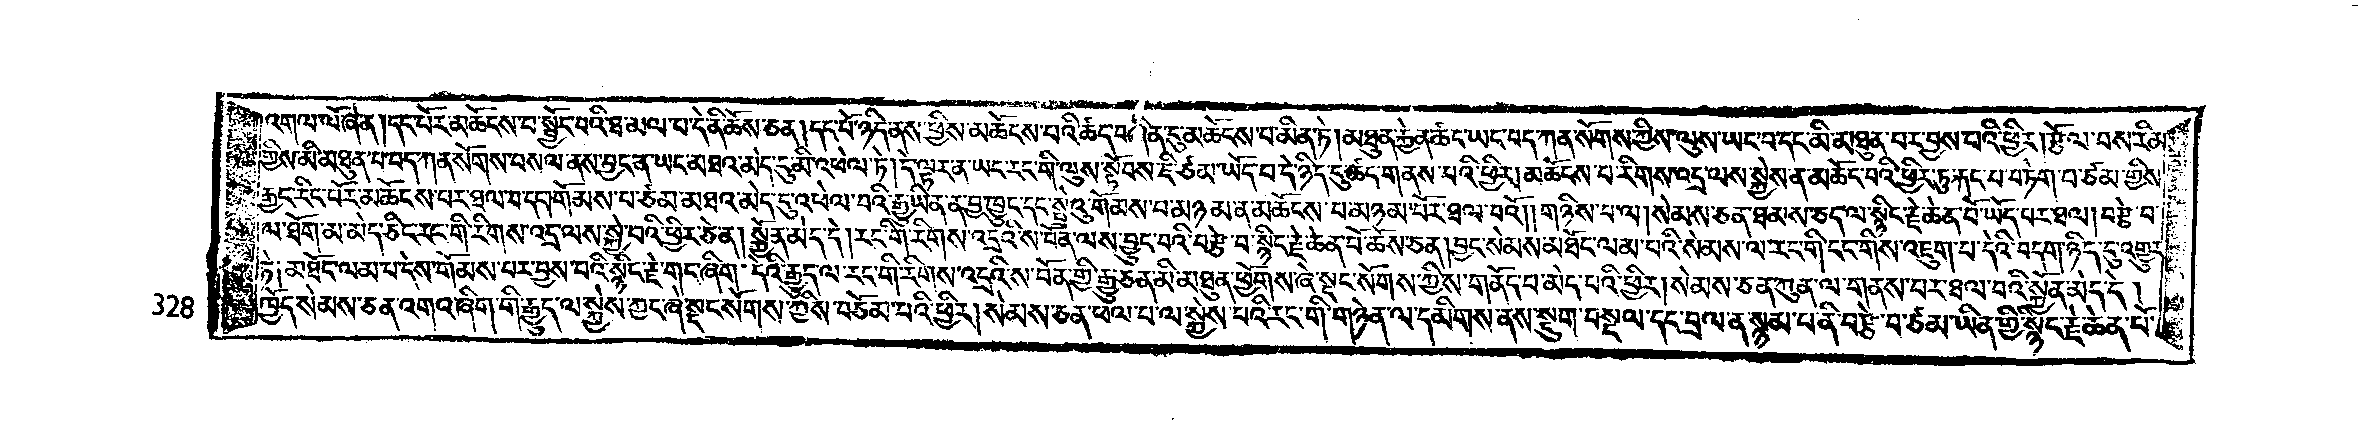འགལ་ལོ་ཞེ་ན། དང་པོར་མཆོངས་པ་སྦྱོང་བའི་ཐ་མལ་པ་དེ་ནི་ཆོས་ཅན། དང་པོ་ཉིད་ནས་ཕྱིས་མཆོངས་པའི་ཚད་བཞིན་དུ་མཆོངས་པ་མིན་ཏེ། མཐུན་རྐྱེན་ཚང་ཡང་བད་ཀན་སོགས་ཀྱིས་ལུས་ཡང་བ་དང་མི་མཐུན་པར་བྱས་པའི་ཕྱིར། རྩོལ་བས་རིམ་
གྱིས་མི་མཐུན་པ་བད་ཀན་སོགས་བསལ་ནས་བྱང་ན་ཡང་མཐའ་མེད་དུ་མི་འཕེལ་ཏེ། དེ་ལྟར་ན་ཡང་རང་གི་ལུས་སྟོབས་ཇི་ཙམ་ཡོད་པ་དེ་ཉིད་དུ་ཚད་གནས་པའི་ཕྱིར། མཆོངས་པ་རིགས་འདྲ་ལས་སྐྱེས་ན་མཆོང་པའི་ཕྱིར་དུ་?་རྐང་པ་བཏེག་པ་ཙམ་གྱིས་
རྒྱང་རིང་པོར་མཆོངས་པར་ཐལ་བ་དང་། གོམས་པ་ཙམ་མཐའ་མེད་དུ་འཕེལ་བའི་རྒྱུ་ཡིན་ན་བྱ་ཁྱུང་དང་སྤྲེའུ་གོམས་པ་མཉམ་ན་མཆོངས་པ་མཉམ་པོར་ཐལ་བའོ། །གཉིས་པ་ལ། སེམས་ཅན་ཐམས་ཅད་ལ་སྙིང་རྗེ་ཆེན་པོ་ཡོད་པར་ཐལ། བརྩེ་བ་
ལ་ཐོག་མ་མེད་ཅིང་རང་གི་རིགས་འདྲ་ལས་སྐྱེ་བའི་ཕྱིར་ཅེ་ན། སྐྱོན་མེད་དེ། རང་གི་རིགས་འདྲའི་ས་བོན་ལས་བྱུང་བའི་བརྩེ་བ་སྙིང་རྗེ་ཆེན་པོ་ཆོས་ཅན། བྱང་སེམས་མཐོང་ལམ་པའི་སེམས་ལ་རང་གི་ངང་གིས་འཇུག་པ་དེའི་བདག་ཉིད་དུ་འགྱུར་
ཏེ། མཐོང་ལམ་པ་དེས་གོམས་པར་བྱས་པའི་སྙིང་རྗེ་གང་ཞིག་དེའི་རྒྱུད་ལ་རང་གི་རིགས་འདྲའི་ས་བོན་གྱི་རྒྱུ་ཅན་མི་མཐུན་ཕྱོགས་ཞེ་སྡང་སོགས་ཀྱིས་གནོད་པ་མེད་པའི་ཕྱིར། སེམས་ཅན་ཀུན་ལ་གནས་པར་ཐལ་བའི་སྐྱོན་མེད་དེ།
ཁྱོད་སེམས་ཅན་འགའ་ཞིག་གི་རྒྱུད་ལ་སྐྱེས་ཀྱང་ཞེ་སྡང་སོགས་ཀྱིས་བཅོམ་པའི་ཕྱིར། སེམས་ཅན་ཕལ་པ་ལ་སྐྱེས་པའི་རང་གི་གཉེན་ལ་དམིགས་ནས་སྡུག་བསྔལ་དང་བྲལ་ན་སྙམ་པ་ནི་བརྩེ་བ་ཙམ་ཡིན་གྱི་སྙིང་རྗེ་ཆེན་པོ་